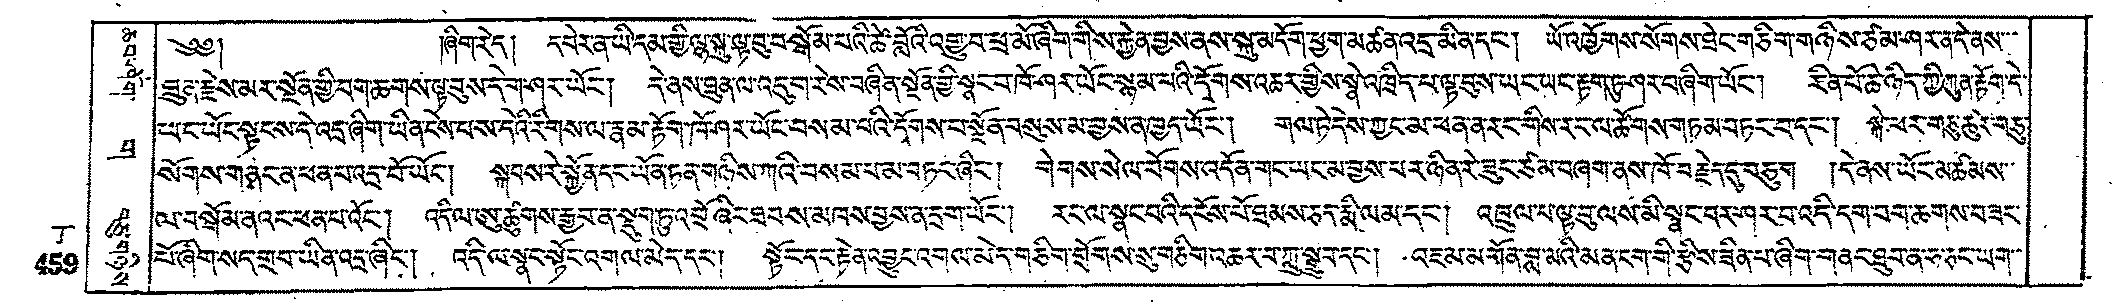༄༅། །ཞིག་རེད། དཔེར་ན་ཡི་དམ་གྱི་ལྷ་སྐུ་ལྟ་བུ་བསྒོམ་པའི་ཚེ་བློའི་འགྱུ་བ་ཕྲ་མོ་ཞིག་གིས་རྐྱེན་བྱས་ནས་སྐུ་མདོག་ཕྱག་མཚན་འདྲ་མིན་དང་། ཡོ་འཁྱོགས་སོགས་ཐེང་གཅིག་གཉིས་ཙམ་ཤར་ན་དེ་ནས་་་
ཐུན་རྗེས་མར་སྔོན་གྱི་བག་ཆགས་ལྟ་བུས་དེ་ག་ཤར་ཡོང་། དེ་ནས་ཐུན་ལ་འདུག་རེས་བཞིན་སྔོན་གྱི་སྣང་བ་ཁོ་ཤར་ཡོང་སྙམ་པའི་དྭོགས་འཆར་གྱིས་སྣེ་འཁྲིད་པ་ལྟ་བུས་ཡང་ཡང་རྟག་ཏུ་ཤར་བ་ཞིག་ཡོང་། རིན་པོ་ཆེ་ཉིད་ཀྱི་ཀུན་རྟོག་དེ་
ཡང་ཡོང་སྟངས་དེ་འདྲ་ཞིག་ཡིན་ངེས་པས་དེའི་རིགས་ལ་རྣམ་རྟོག་ཁོ་ཤར་ཡོང་བསམ་པའི་དྭོགས་པ་སྔོན་བསུས་མ་བྱས་ན་ཁྱད་ཡོང་། གལ་ཏེ་དེས་ཀྱང་མ་ཕན་ན་རང་གིས་རང་ལ་ཚོགས་གཏམ་བཏང་བ་དང་། སྐེ་ཕར་གཅུ་ཚུར་གཅུ་
སོགས་གནང་ན་ཕན་པ་འདྲ་པོ་ཡོང་། སྐབས་རེ་སྐྱོན་དང་ཡོན་ཏན་གཉིས་ཀའི་བསམ་པ་མ་བཏང་ཞིང་། གེགས་སེལ་བོགས་འདོན་གང་ཡང་མ་བྱས་པར་ཉིན་རེ་ཟུང་ཙམ་བཟག་ནས་ཁོ་བརྗེད་དུ་བཅུག །དེ་ནས་ཡོང་མཚམས་
ལ་བསྒོམ་ནའང་ཕན་པ་འོང་། འདི་ལ་ཨུ་ཚུགས་རྒྱབ་ན་སྡུག་ཏུ་འགྲོ་ཞིང་ཐབས་མཁས་བྱས་ན་དྲག་ཡོང་། རང་ལ་སྣང་བའི་དངོས་པོ་ཐམས་ཅད་རྨི་ལམ་དང་། འཁྲུལ་པ་ལྟ་བུ་ལས་མི་སྣང་བར་ཤར་བ་འདི་དག་བག་ཆགས་བཟང་
པོ་ཞིག་སད་གྲབ་ཡིན་འདྲ་ཞིང་། འདི་ལ་སྣང་སྟོང་འགལ་མེད་དང་། སྟོང་དང་རྟེན་འབྱུང་འགལ་མེད་གཅིག་གྲོགས་སུ་གཅིག་འཆར་བ་ཀླུ་སྒྲུབ་དང་། འཇམ་མགོན་བླ་མའི་མན་ངག་གི་རྩིས་ཟིན་པ་ཞིག་གནང་ཐུབ་ན་ཧ་ཅང་ཡག་་་